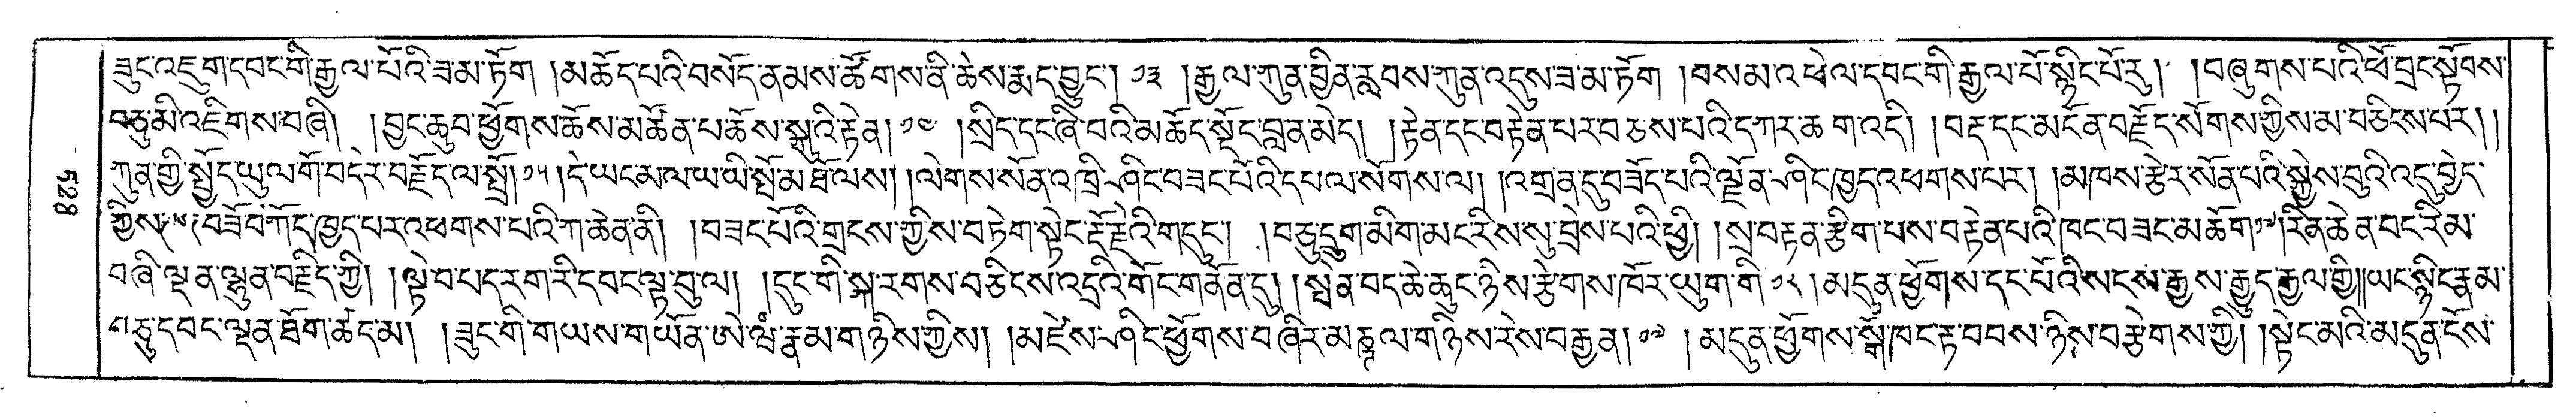ཟུང་འཇུག་དབང་གི་རྒྱལ་པོའི་ཟ་མ་ཏོག །མཆོད་པའི་བསོད་ནམས་ཚོགས་ནི་ཆེས་རྨད་བྱུང་། ༡༣་།རྒྱལ་ཀུན་བྱིན་རླབས་ཀུན་འདུས་ཟ་མ་ཏོག །བསམ་འཕེལ་དབང་གི་རྒྱལ་པོ་སྙིང་པོ་རུ། །བཞུགས་པའི་ཕོ་བྲང་སྟོབས།།
བཅུ་མི་འཇིགས་བཞི། །བྱང་ཆུབ་ཕྱོགས་ཆོས་མཚོན་པ་ཆོས་སྐུའི་རྟེན། ༡༤་།སྲིད་དང་ཞི་བའི་མཆོད་སྡོང་བླ་ན་མེད། །རྟེན་དང་བརྟེན་པར་བཅས་པའི་དཀར་ཆག་འདི། །བརྔ་དང་མངོན་བརྗོད་སོགས་ཀྱིས་མ་བཅིངས་པར། །
ཀུན་གྱི་སྤྱོད་ཡུལ་གོ་བ་དེར་བརྗོད་ལ་སྤྲོ། ༡༥་།དེ་ཡང་མ་ལ་ཡ་ཡི་སྤོ་མཐོ་ལས། །ལེགས་སོན་འཁྲི་ཤིང་བཟང་པོའི་དཔལ་སོགས་ལ། །འགྲན་དུ་བཟོད་པའི་ལྗོན་ཤིང་ཁྱད་འཕགས་པར། །མཁས་རྩེར་སོན་པའི་སྐྱེས་བུའི་འདུ་བྱེད་
ཀྱིས། ༡༦་༑བཟོ་བ་ཀོད་ཁྱད་པར་འཕགས་པའི་ཀ་ཆེན་ནི། །བཟང་པོའི་གྲངས་ཀྱིས་བཏེག་སྟེང་རྡོ་རྗེའི་གདུང་། །བཅུ་དྲུག་མིག་མང་རིས་སུ་བྲེས་པའི་ཕྱི། །སྲ་བརྟན་རྩིག་པས་བརྟེན་པའི་ཁང་བཟང་མཆོག ༡༧་།རིན་ཆེན་བང་རིམ་
བཞི་ལྡན་ལྷུན་བརྗིད་ཀྱི། །ལྟེ་བ་པད་རག་རི་དབང་ལྟ་བུ་ལ། །དུང་གི་སྐ་རགས་བཅིངས་འདྲའི་གོང་གནོན་དུ། །སྤེན་བད་ཆེ་ཆུང་ཉིས་རྩེགས་ཁོར་ཡུག་གི ༡༨་།མདུན་ཕྱོགས་དང་པོའི་སངས་རྒྱས་རྒྱུད་རྒྱལ་གྱི། །ཡང་སྙིང་རྣམ་
བཅུ་དབང་ལྡན་ཐོག་ཚད་མ། །ཟུང་གི་གཡས་གཡོན་ཨེ་ཝཾ་རྣམ་གཉིས་ཀྱིས། །མཛེས་ཤིང་ཕྱོགས་བཞིར་མཎྜལ་གཉིས་རེས་བརྒྱན། ༡༧་།མདུན་ཕྱོགས་སྒོ་ཁང་རྟ་བབས་ཉིས་བརྩེགས་ཀྱི། །སྟོང་མའི་མདུན་ངོས་